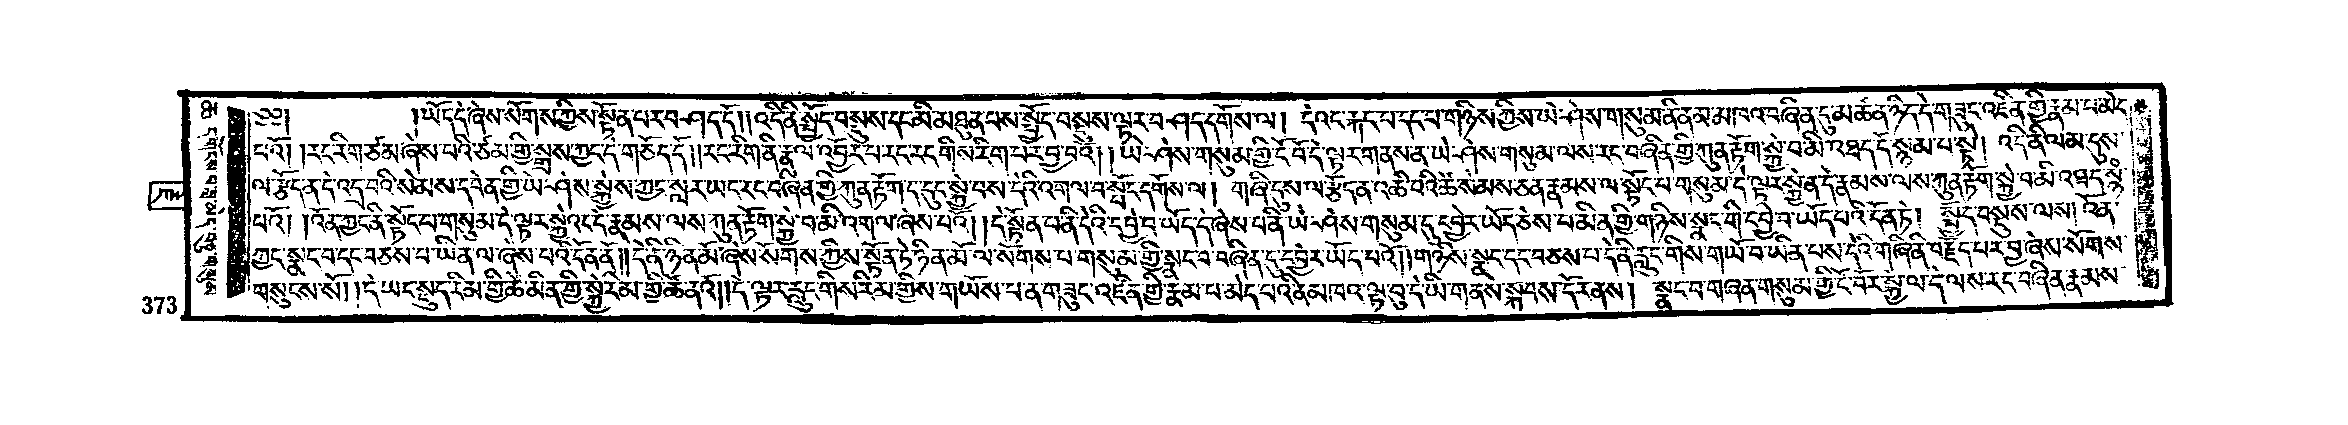༄༅། །ཡོད་དེ་ཞེས་སོགས་ཀྱིས་སྟོན་པར་བཤད་དོ། །འདི་ནི་སྤྱོད་བསྡུས་དང་མི་མཐུན་པས་སྤྱོད་བསྡུས་ལྟར་བཤད་དགོས་ལ། དེའང་རྐང་པ་དང་པོ་གཉིས་ཀྱིས་ཡེ་ཤེས་གསུམ་ནི་ནམ་མཁའ་བཞིན་དུ་མཚན་ཉིད་དེ་གཟུང་འཛིན་གྱི་རྣམ་པ་མེད་
པའོ། །རང་རིག་ཙམ་ཞེས་པའི་ཙམ་གྱི་སྒྲས་ཀྱང་དེ་གཅོད་དོ། །རང་རིག་ནི་རྣལ་འབྱོར་པ་རང་རང་གིས་རིག་པར་བྱ་བའོ། །ཡེ་ཤེས་གསུམ་གྱི་ངོ་བོ་དེ་ལྟར་གནས་ན་ཡེ་ཤེས་གསུམ་ལས་རང་བཞིན་གྱི་ཀུན་རྟོག་སྐྱེ་བ་མི་འཐད་དོ་སྙམ་པ་སྟེ། འདི་ནི་ལམ་དུས་
ལ་རྩོད་ན་དེ་འདྲ་བའི་སེམས་དབེན་གྱི་ཡེ་ཤེས་སྐྱེས་ཀྱང་སླར་ཡང་རང་བཞིན་གྱི་ཀུན་རྟོག་ད་དུང་སྐྱེ་བས་དེའི་འགལ་བ་སྤོང་དགོས་ལ། གཞི་དུས་ལ་རྩོད་ན་འཆི་བའི་ཚེ་སེམས་ཅན་རྣམས་ལ་སྟོང་པ་གསུམ་དེ་ལྟར་སྐྱེ་ན་དེ་རྣམས་ལས་ཀུན་རྟོག་སྐྱེ་བ་མི་འཐད་སྙམ་
པའོ། །འོན་ཀྱང་ནི་སྟོང་པ་གསུམ་དེ་ལྟར་སྐྱེའང་དེ་རྣམས་ལས་ཀུན་རྟོག་སྐྱེ་བ་མི་འགལ་ཞེས་པའོ། །དེ་སྟོན་པ་ནི་དེའི་དབྱེ་བ་ཡོད་དེ་ཞེས་པ་ནི་ཡེ་ཤེས་གསུམ་དུ་དབྱེར་ཡོད་ཅེས་པ་མིན་གྱི་གཉིས་སྣང་གི་དབྱེ་བ་ཡོད་པའི་དོན་ཏེ། སྤྱོད་བསྡུས་ལས། འོན་
ཀྱང་སྣང་བ་དང་བཅས་པ་ཡིན་ལ་ཞེས་པའི་དོན་ནོ། །དེ་ནི་ཉིན་མོ་ཞེས་སོགས་ཀྱིས་སྟོན་ཏེ་ཉིན་མོ་ལ་སོགས་པ་གསུམ་གྱི་སྣང་བ་བཞིན་དུ་དབྱེར་ཡོད་པའོ། །གཉིས་སྣང་དང་བཅས་པ་དེ་ནི་རླུང་གིས་གཡོ་བ་ཡིན་པས་དེའི་གཞི་ནི་བརྗོད་པར་བྱ་ཞེས་སོགས་
གསུངས་སོ། །དེ་ཡང་སྡུད་རིམ་གྱི་ཚེ་མིན་གྱི་སྐྱེ་རིམ་གྱི་ཚེ་ནའོ། །དེ་ལྟར་རླུང་གིས་རིམ་གྱིས་གཡོས་པ་ན་གཟུང་འཛིན་གྱི་རྣམ་པ་མེད་པའི་ནམ་མཁའ་ལྟ་བུ་དེ་ཡི་གནས་སྐབས་དོར་ནས། སྣང་བ་གཞན་གསུམ་གྱི་ངོ་བོར་སྐྱེ་ལ་དེ་ལས་རང་བཞིན་རྣམས་